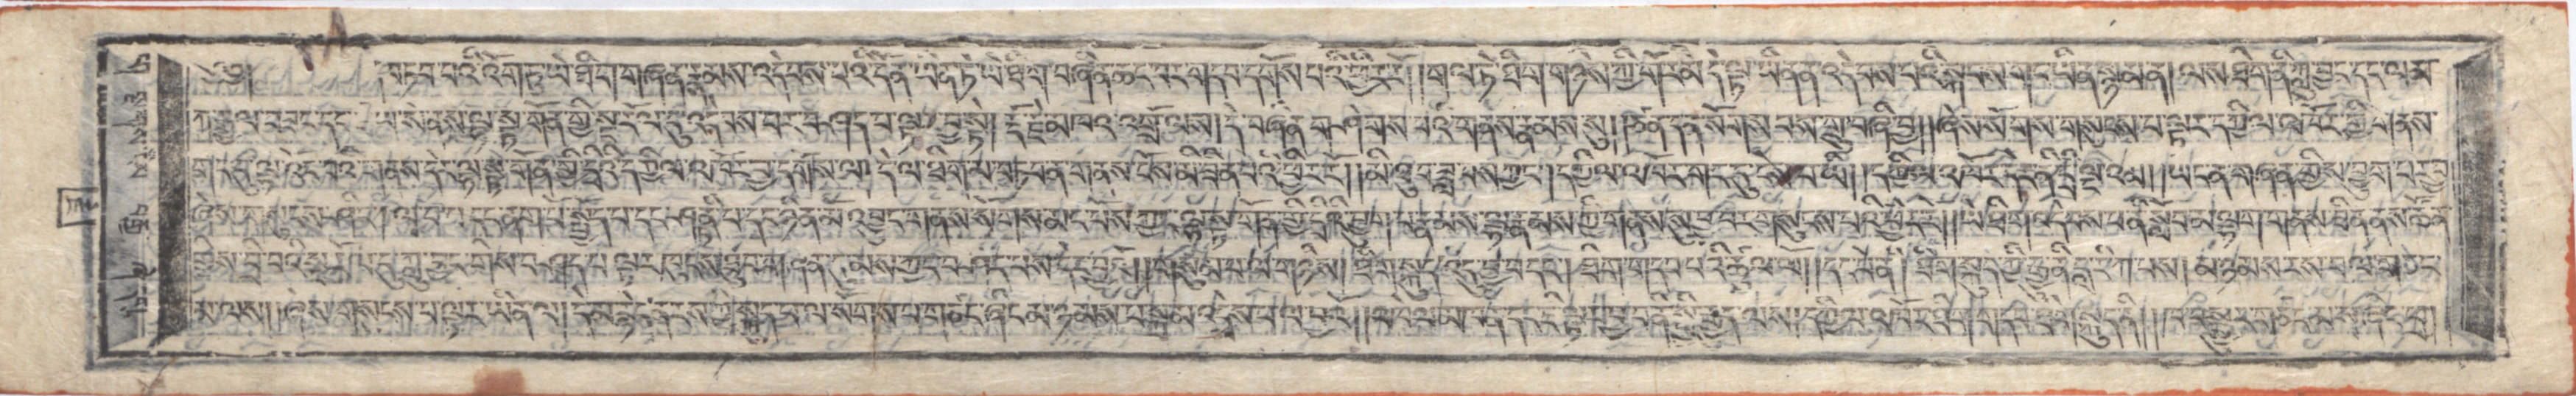༄༅། །བཏབ་པའི་འོག་ཏུ་ཡེ་ཐིག་གཞན་རྣམས་འདེབས་པའི་དོན་ཡིན་ཏེ་ཡེ་ཐིག་བཞིན་ཆང་བར་གདབ་དགོས་པའི་ཕྱིར་རོ། །གལ་ཏེ་ཐིག་གཉིས་ཀྱི་གོ་རིམ་དེ་ལྟ་ཡིན་ན་འདེབས་པའི་སྐབས་གང་ཡིན་སྙམ་ན། ལས་ཐིག་ནི་ཀླུ་བྱང་དང་ལམ་
ཀ་རྒྱལ་བཟང་དང་ཛ་ཡ་སེ་ནས་ལྷ་སྟ་གོན་གྱི་སྔ་རོལ་དུ་འདེབས་པར་བཤད་པ་ལྟར་བྱ་སྟེ། རྡོ་རྗེ་མཁའ་འགྲོ་ལས། དེ་བཞིན་གཤེགས་པའི་གནས་རྣམས་སུ། །ཙན་དན་སོགས་པས་གྲུ་བཞི་བྱ། །ཞེས་སོགས་གསུངས་པ་ལྟར་དཀྱིལ་འཁོར་གྱི་གནས་
གང་དུ་ལྷ་འོང་བའི་གནས་དེར་ལྷ་སྟ་གོན་གྱི་དྲིའི་དཀྱིལ་འཁོར་བྱ་དགོས་ལ། དེ་ལ་ཐིག་མ་བཏབ་ན་གནས་ངོས་མི་ཟིན་པའི་ཕྱིར་རོ། །མི་ཐུབ་ཟླ་བས་ཀྱང་། དཀྱིལ་འཁོར་གང་དུ་ངེས་པ་ཡི། །དཀྱིལ་འཁོར་དེར་ནི་དྲི་ལྔ་འམ། །ཡང་ན་གཞན་གྱིས་བྱུག་པར་བྱ།
ཞེས་གསུངས་ཤིང་། ལྭ་བ་པ་དང་ནག་པོ་སྤྱོད་པ་དང་ཤནྟི་པ་དང་ཉིན་མོ་འབྱུང་གནས་སོགས་མང་པོས་ཀྱང་ལྷ་སྟ་གོན་གྱི་དྲིའི་བྱུག་པ་རྣམས་ལྷ་རྣམས་ཀྱི་གནས་སུ་བྱ་བར་གསུངས་པའི་ཕྱིར་རོ། །ཡེ་ཐིག་འདེབས་པ་ནི་སློབ་མ་ལྷག་གནས་ཟིན་ནས་ཚོན་
གྱིས་བྲི་བའི་སྔ་རོལ་དུ་ཀླུ་བྱང་གིས་བཤད་པ་ལྟར་ཁུངས་ཐུབ་གཞན་དུ་མས་ཀྱང་བཤད་པས་དེར་བྱའོ། །གསུམ་པ་ལ་གཉིས། ཐིག་སྐུད་འདུ་བྱ་བ་དང་། ཐིག་གདབ་པའི་ཚུལ་ལོ། །དང་པོ་ནི། ཐིག་སྐུད་ཀྱི་རྒྱུ་ནི་དཱ་རི་ཀ་པས། མ་ཉམས་རས་བལ་གཅང་
མ་ལས། །ཞེས་གསུངས་པ་ལྟར་ཡིན་ལ། དེ་མ་རྙེད་ན་རས་ཀྱི་སྐུད་པ་ལ་སོགས་པ་གཙང་ཞིང་མ་ཉམས་པ་སྐྲ་མ་འདྲེས་པ་ལ་བྱའོ། །འཁེལ་མཁན་དང་ཇི་ལྟར་བྱ་བ་ནི་སྤྱི་རྒྱུད་ལས། དཀྱིལ་འཁོར་ཐིག་གདབ་ཐིག་སྐུད་ནི། །ཁ་བསྒྱུར་གཙང་མ་སྲ་ཞིང་ཕྲ། །